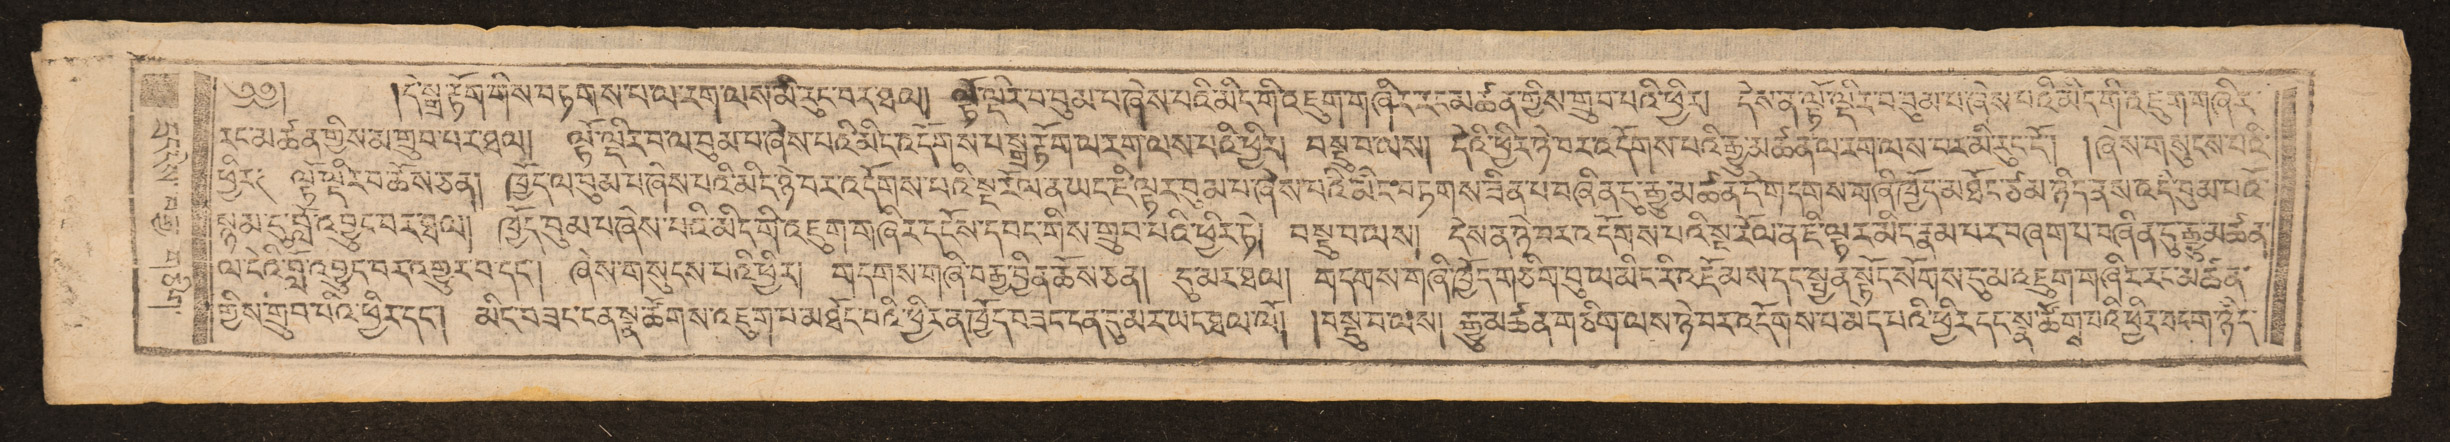༄༅། །དེ་སྒྲ་རྟོག་གིས་བཏགས་པ་ལ་རག་ལས་མི་རུང་བར་ཐལ། ལྟོ་ལྡིར་བ་བུམ་པ་ཞེས་པའི་མིང་གི་འཇུག་གཞིར་རང་མཚན་གྱིས་གྲུབ་པའི་ཕྱིར། དེས་ན་ལྟོ་ལྡིར་བ་བུམ་པ་ཞེས་པའི་མིང་གི་འཇུག་གཞིར་
རང་མཚན་གྱིས་མ་གྲུབ་བར་ཐལ། ལྟོ་ལྡིར་བ་ལ་བུམ་པ་ཞེས་པའི་མིང་འདོགས་པ་སྒྲ་རྟོག་ལ་རག་ལས་པའི་ཕྱིར། བསྡུ་བ་ལས། དེའི་ཕྱིར་ཉེ་བར་འདོགས་པའི་རྒྱུ་མཚན་ལ་རག་ལས་པར་མི་རུང་ངོ། །ཞེས་གསུངས་པའི་
ཕྱིར༑ ལྟོ་ལྡིར་བ་ཆོས་ཅན། ཁྱོད་ལ་བུམ་པ་ཞེས་པའི་མིང་ཉེ་བར་འདོགས་པའི་སྔ་རོལ་ན་ཡང་ཇི་ལྟར་བུམ་པ་ཞེས་པའི་མིང་བཏགས་ཟིན་པ་བཞིན་དུ་རྒྱུ་མཚན་དེ་གདགས་གཞི་ཁྱོད་མཐོང་ཙམ་ཉིད་ནས་འདི་བུམ་པའོ་
སྙམ་དུ་བློ་འབྱུང་བར་ཐལ། ཁྱོད་བུམ་པ་ཞེས་པའི་མིང་གི་འཇུག་གཞིར་དངོས་དབང་གིས་གྲུབ་པའི་ཕྱིར་ཏེ། བསྡུ་བ་ལས། དེས་ན་ཉེ་བར་འདོགས་པའི་སྔ་རོལ་ན་ཇི་ལྟར་མིང་རྣམ་པར་བཞག་པ་བཞིན་དུ་རྒྱུ་མཚན་
ལ་དེའི་བློ་འབྱུང་བར་འགྱུར་བ་དང་། ཞེས་གསུངས་པའི་ཕྱིར། གདགས་གཞི་བརྒྱ་བྱིན་ཆོས་ཅན། དུ་མར་ཐལ། གདགས་གཞི་ཁྱོད་གཅིག་བུ་ལ་མིང་རི་འཇོམས་དང་སྤྱན་སྟོང་སོགས་དུ་མ་འཇུག་གཞིར་རང་མཚན་
གྱིས་གྲུབ་པའི་ཕྱིར་དང་། མིང་བཟང་ངན་སྣ་ཚོགས་འཇུག་པ་མཐོང་བའི་ཕྱིར་ན་ཁྱོད་བཟང་ངན་དུ་མར་ཡང་ཐལ་ལོ། །བསྡུ་བ་ལས། རྒྱུ་མཚན་གཅིག་ལས་ཉེ་བར་འདོགས་པ་མེད་པའི་ཕྱིར་དང་སྣ་ཚོགས་པའི་ཕྱིར་བདག་ཉིད་